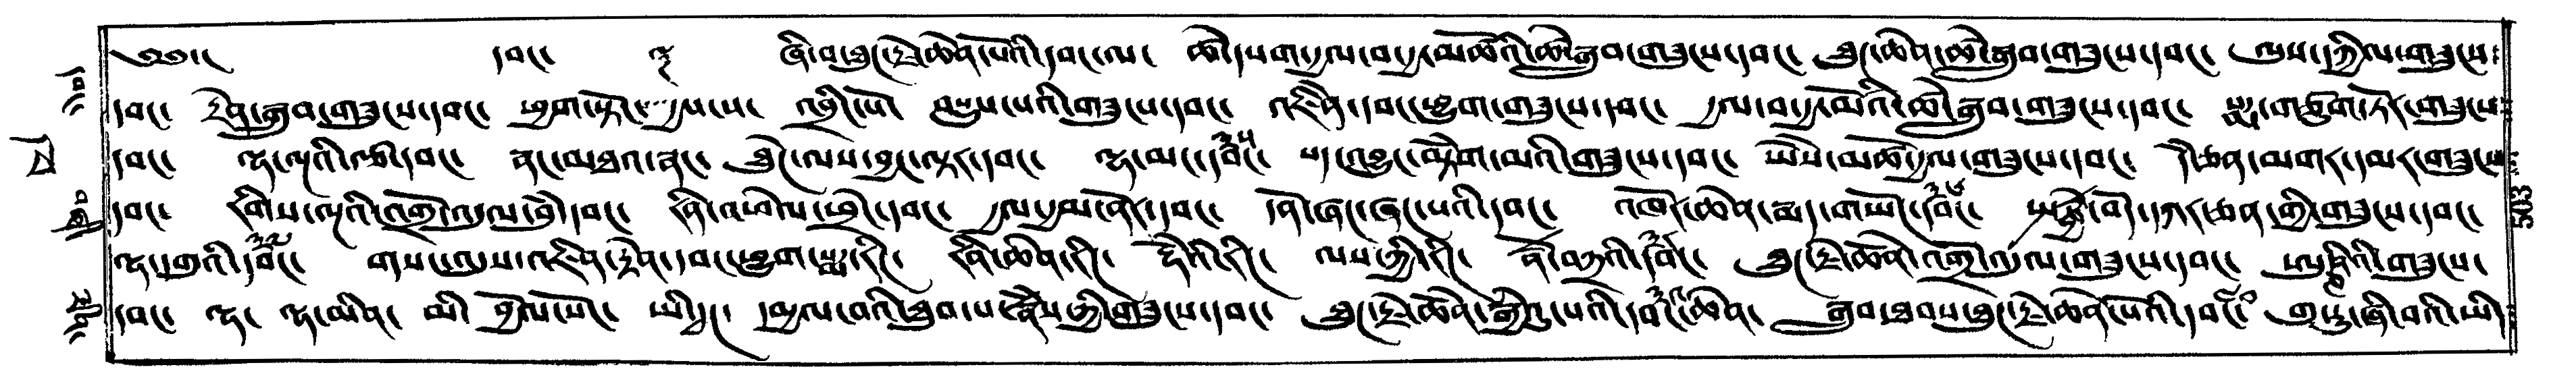དབང་། ༈ ཞི་བ་ཐུགས་རྗེ་ཆེན་པོའི་དབང་ལ། ཚེ་དཔག་རྒྱལ་བ་རྒྱ་མཚོའི་ཚེ་སྒྲུབ་གཟུངས་དབང་། ཐུགས་ཆེན་ཚེ་སྒྲུབ་གཟུངས་དབང་། ལུས་དཀྱིལ་གཟུངས་
དབང་། རྟེན་སྒྲུབ་གཟུངས་དབང་།ཕྱག་སྟོང་རྒྱས་པ། འབྲིང་པོ། བསྡུས་པའི་གཟུངས་དབང་། འཇིག་རྟེན་དབང་ཕྱུག་གཟུངས་དབང་། རྒྱལ་བ་རྒྱ་མཚོའི་ཚེ་སྒྲུབ་གཟུངས་དབང་། པདྨ་གཙུག་ཏོར་གཟུངས་
དབང་། ལྷ་ལྔའི་རྩ་དབང་། སྣང་མཐའ་སྣང་། ཐུགས་རྗེ་ལས་བྱང་ལྟར་དབང་། ལྷ་མང་དབང་། པད་འབྱུང་མེ་ཏོག་མའི་གཟུངས་དབང་། ཡེ་ཤེས་མཚོ་རྒྱལ་གཟུངས་དབང་། དམ་ཅན་མགར་དམར་གཟུངས་
དབང་། རིགས་ལྔའི་འགྲོ་འདུལ་བུམ་དབང་། རྒྱལ་རྒྱམ་ནོར་དབང་། དོན་ཞགས་ཞགས་པའི་དབང་། འཁོར་ཆེན་སྨད་གཡོགས་དབང་༣༦། །པོརྞཻཡའི(?)་བོད་དཀར་ཅན་གྱི་གཟུངས་དབང་
ལྷ་དགུའི་དབང་༣༧། གསང་འདུས་འཇིན་རྟེན་དབང་ཕྱུག་པདྨའི་རིགས། རིན་ཆེན་རིགས། རྡོ་རྗེའི་རིགས། །ལས་ཀྱི་རིགས། རྣོ་(?)བཀྲའི་དབང་༣༨། ཐུགས་རྗེ་ཆེན་པོ་འགྲོ་འདུལ་གཟུངས་དབང་། ཨུཥྞིའི་གཟུངས་
དབང་། ལྷ། ལྷ་མིན། མི་། བྱོལ་སོང་། ཡི་དྭགས། དམྱལ་བའི་ཐུབ་པ་རྣམས་ཀྱི་གཟུངས་དབང་། ཐུགས་རྗེ་ཆེན་པོ་སྒྱེའུ་པའི་དབང་༣༩ཆེན། སྒྲུབ་ཐབས་ཐུགས་རྗེ་ཆེན་པོའི་དབང་༤༠། གུ་རུ་ཞི་བའི་ཡིད་༴